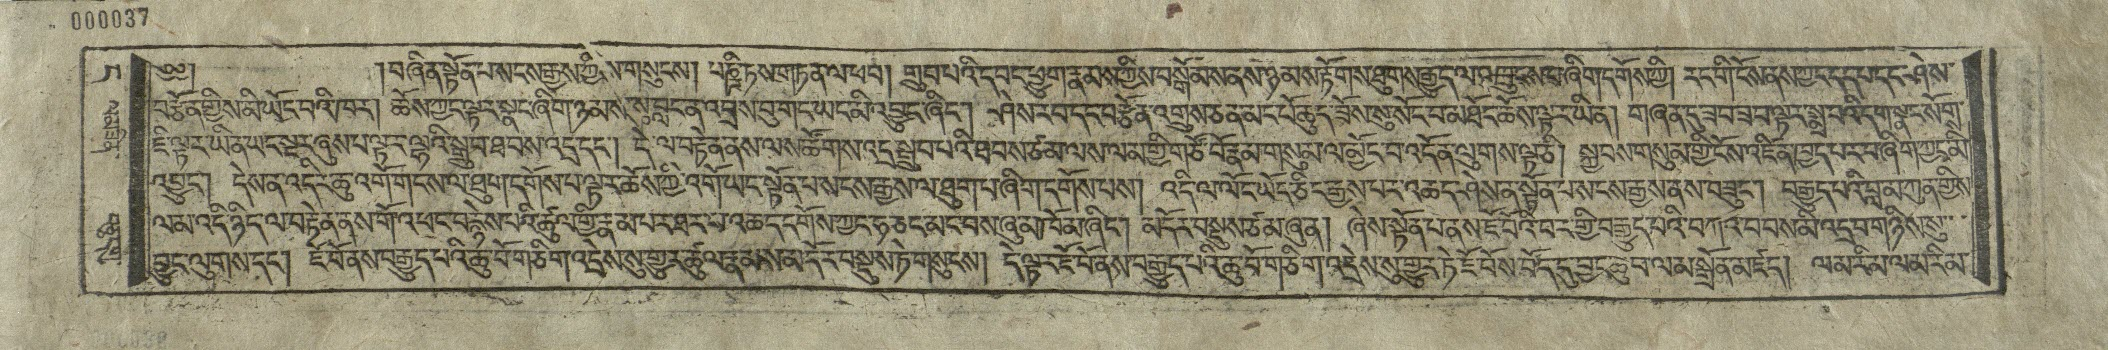༄༅། །བཞིན་སྟོན་པ་སངས་རྒྱས་ཀྱིས་གསུངས། པཎྜི་ཏས་གཏན་ལ་ཕབ། གྲུབ་པའི་དབང་ཕྱུག་རྣམས་ཀྱིས་བསྒོམས་ནས་ཉམས་རྟོགས་ཐུགས་རྒྱུད་ལ་འཁྲུངས་པ་ཞིག་དགོས་ཀྱི། རང་གི་ངོས་ནས་ཀྱང་དད་པ་དང་ཤེས་
བརྩོན་གྱིས་མི་ཡོང་བའི་ཁར། ཆོས་ཀྱང་ལྟར་སྣང་ཞིག་ཉམས་སུ་བླང་ན་འབྲས་བུ་གང་ཡང་མི་འབྱུང་ཞིང་། ཤེས་རབ་དང་བརྩོན་འགྲུས་ཅན་མང་པོ་ཆུད་ཟོས་སུ་སོང་བ་མཐོང་ཆོས་ལྟར་ཡིན། གཞན་དུ་ཟབ་ཟབ་ལྟར་སྨྲ་བའི་དག་སྣང་སོགས་
ཇི་ལྟར་ཡིན་ཡང་སྔར་ཞུས་པ་ལྟར་ལྷའི་སྒྲུབ་ཐབས་འདྲ་དང་། དེ་ལ་བརྟེན་ནས་ལས་ཚོགས་འདྲ་སྒྲུབ་པའི་ཐབས་ཙམ་ལས་ལམ་གྱི་གཙོ་བོ་རྣམ་གསུམ་ལ་མྱོང་བ་འདོན་ལུགས་ལྟ་ཅི། སྐྱབས་གསུམ་གྱི་ངོས་འཛིན་ཁྱད་པར་བ་ཞིག་ཀྱང་མི་
འབྱུང་། དེས་ན་འདིར་ཆུ་འགོ་གངས་ལ་ཐུག་དགོས་པ་ལྟར་ཆོས་ཀྱི་འགོ་ཡང་སྟོན་པ་སངས་རྒྱས་ལ་ཐུག་པ་ཞིག་དགོས་པས། འདི་ལ་ལོང་ཡོད་ཅིང་རྒྱས་པར་འཆད་ཤེས་ན་སྟོན་པ་སངས་རྒྱས་ནས་བཟུང་། བརྒྱུད་པའི་བླ་མ་ཀུན་གྱིས་
ལམ་འདི་ཉིད་ལ་བརྟེན་ནས་གོ་འཕང་བརྙེས་པའི་ཚུལ་གྱི་རྣམ་པར་ཐར་པ་འཆད་དགོས་ཀྱང་ཧ་ཅང་མང་བས་ཞུ་མ་ཁོམ་ཞིང་། མདོར་བསྡུས་ཙམ་ཞུ་ན། ཞེས་སྟོན་པ་ནས་ཇོ་བོའི་བར་གྱི་བརྒྱུད་པའི་བཀའ་བབས་མི་འདྲ་བ་གཉིས་སུ་
བྱུང་ལུགས་དང་། ཇོ་བོ་ནས་བརྒྱུད་པའི་ཆུ་བོ་གཅིག་འདྲེས་སུ་གྱུར་ཚུལ་རྣམས་མདོར་བསྡུས་ཏེ་གསུངས། དེ་ལྟར་ཇོ་བོ་ནས་བརྒྱུད་པའི་ཆུ་བོ་གཅིག་འདྲེས་སུ་གྱུར་ཏེ་ཇོ་བོས་བོད་དུ་བྱང་ཆུབ་ལམ་སྒྲོན་མཛད། ལམ་རིམ་ལམ་རིམ་